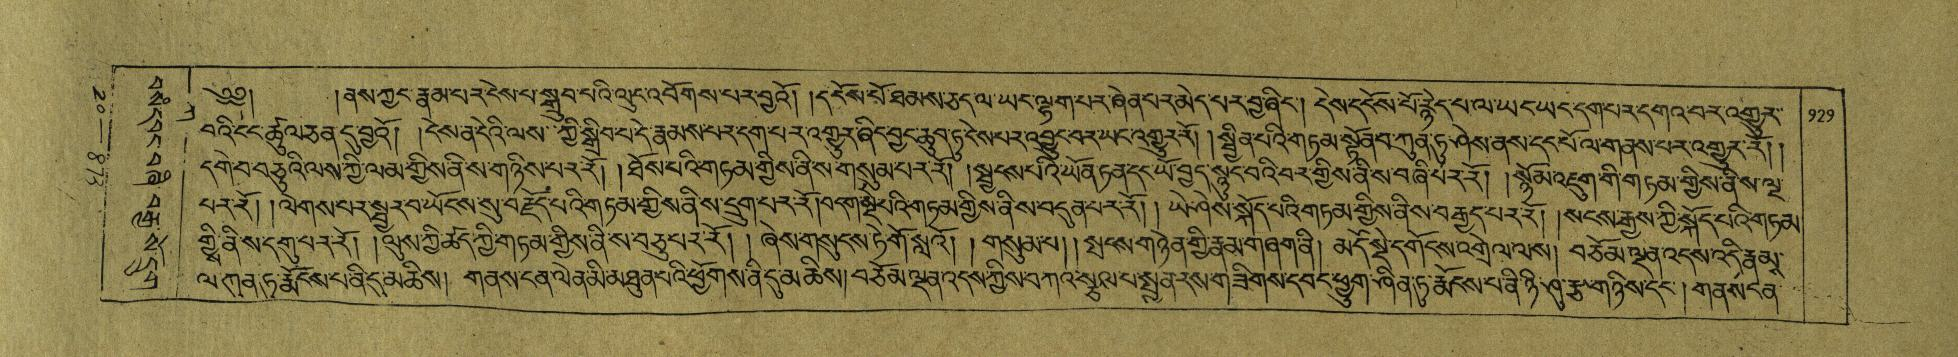༄༅། །ནས་ཀྱང་རྣམ་པར་ངེས་པ་སྒྲུབ་པའི་ལུང་འབོགས་པར་བྱའོ། །དངོས་པོ་ཐམས་ཅད་ལ་ཡང་ལྷག་པར་ཞེན་པར་མེད་པར་བྱ་ཞིང་། དེས་དངོས་པོ་རྙེད་པ་ལ་ཡང་ཡང་དག་པར་དགའ་བར་འགྱུར་
བའི་ངང་ཚུལ་ཅན་དུ་བྱའོ། །ངེས་ན་དེའི་ལས་ཀྱི་སྒྲིབ་པ་དེ་རྣམས་པར་དག་པར་འགྱུར་ཞིང་བྱང་ཆུབ་ཏུ་ངེས་པར་འབྱུང་བར་ཡང་འགྱུར་རོ། །སྦྱིན་པའི་གཏམ་སྟོན་བ་ཀུན་ཏུ་ཤེས་ནས་དང་པོ་ལ་གནས་པར་འགྱུར་རོ། །
དགེ་བ་བཅུའི་ལས་ཀྱི་ལམ་གྱིས་ནི་ས་གཉིས་པར་རོ། །ཐོས་པའི་གཏམ་གྱིས་ནི་ས་གསུམ་པར་རོ། །སྦྱངས་པའི་ཡོན་ཏན་དང་ཡོ་བྱད་སྙུང་བའི་བར་གྱིས་ནི་ས་བཞི་པར་རོ། །སྙོམ་འཇུག་གི་གཏམ་གྱིས་ནི་ས་ལྔ་
པར་རོ། །ལེགས་པར་སྦྱར་བ་ཡོངས་སུ་བརྗོད་པའི་གཏམ་གྱིས་ནི་ས་དྲུག་པར་རོ། བདག་སྡེ་པའི་གཏམ་གྱིས་ནི་ས་བདུན་པར་རོ། །ཡེ་ཤེས་སྐོད་པའི་གཏམ་གྱིས་ནི་ས་བརྒྱད་པར་རོ། །སངས་རྒྱས་ཀྱི་སྐོད་པའི་གཏམ་
གྱིས་ནི་ས་དགུ་པར་རོ། །ལུས་ཀྱི་ཚད་ཀྱི་གཏམ་གྱིས་ནི་ས་བཅུ་པར་རོ། །ཞེས་གསུངས་ཏེ་གོ་སླའོ། །གསུམ་པ། །སྤངས་གཉེན་གྱི་རྣམ་གཞག་ནི། མདོ་སྡེ་དགོངས་འགྲེལ་ལས། བཅོམ་ལྡན་འདས་འདི་རྣམས་
ལ་ཀུན་ཏུ་རྨོངས་པ་ནི་དུ་མཆིས། གནས་ངན་ལེན་མི་མཐུན་པའི་ཕྱོགས་ནི་དུ་མཆིས། བཅོམ་ལྡན་འདས་ཀྱིས་བཀའ་སྩལ་པ་སྤྱན་རས་གཟིགས་དབང་ཕྱུག་ཤིན་ཏུ་རྨོངས་པ་ནི་ཉི་ཤུ་རྩ་གཉིས་དང་། གནས་ངན་